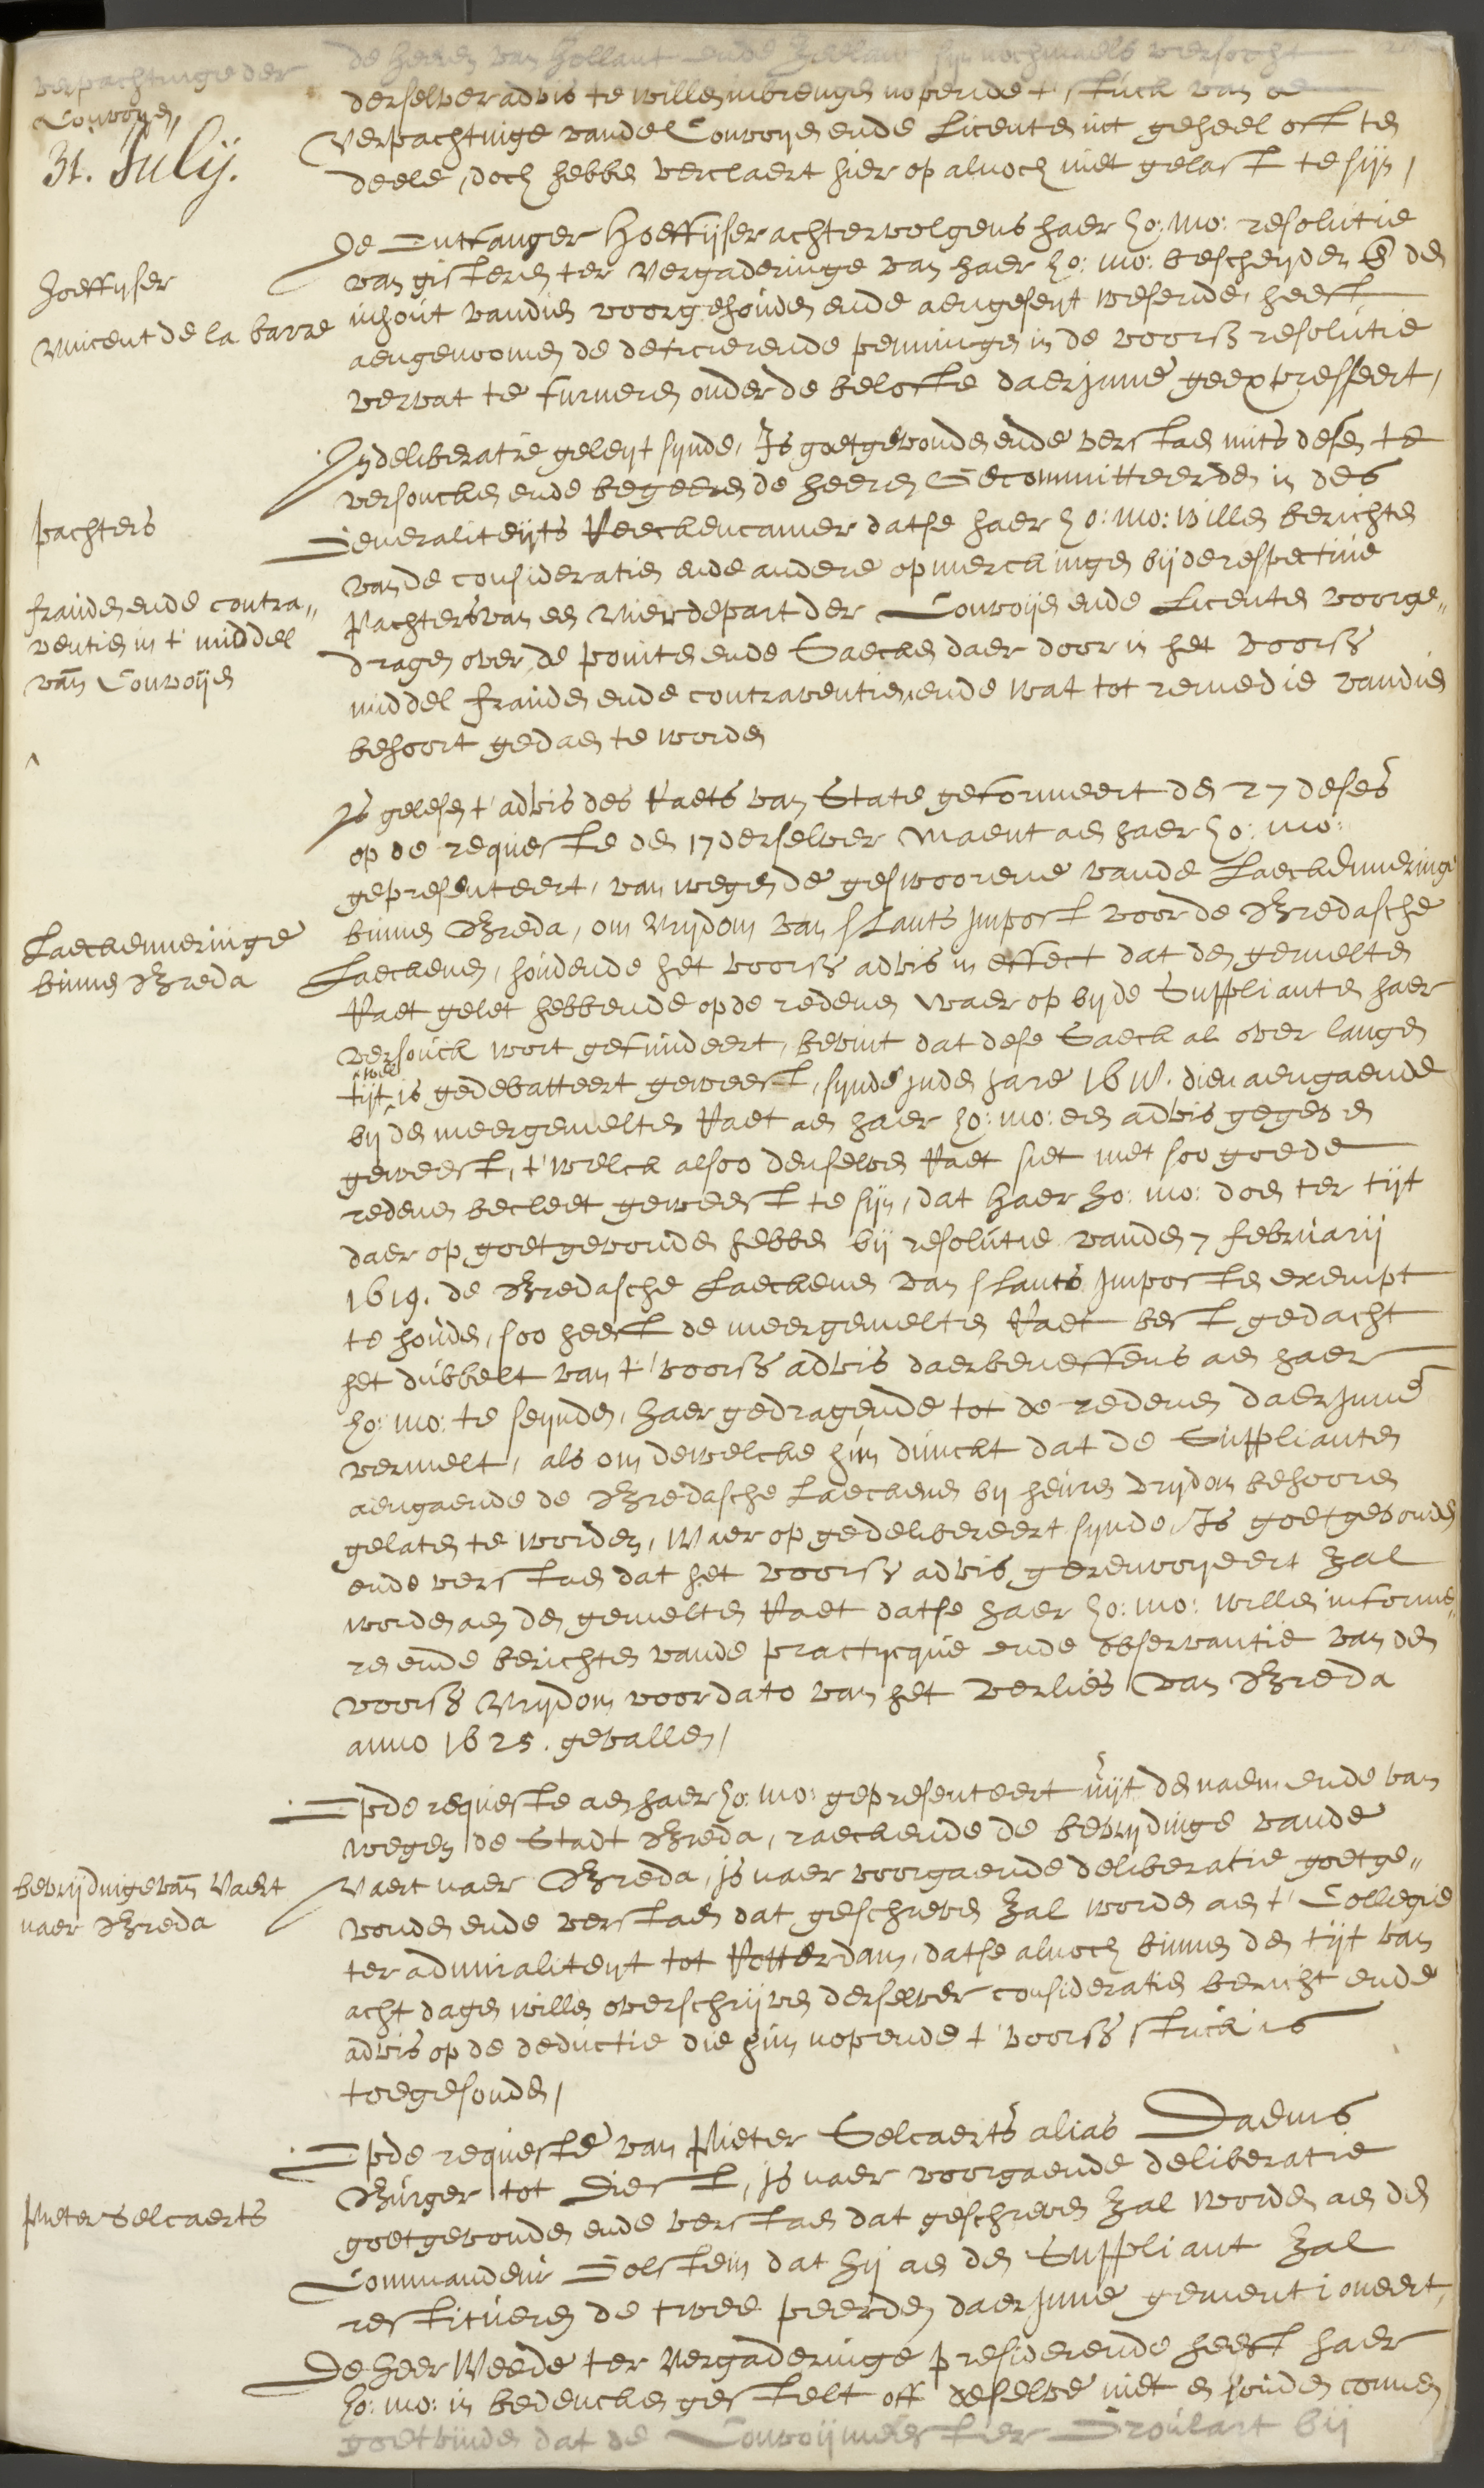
28
31. Julij.
verpachtinge der
Convoyen.
de heeren van hollant ende Zeelant syn nochmaels versocht
derselver advis te willen inbrengen nopende t‛stuck van de
verpachtinge vande Convoyen ende Licenten int geheel off ten
deele, doch hebben verclaert hier op alnoch niet gelast te sijn.
Hoeffyser
Vincent de la barre
De Ontfanger Hoeffijser achtervolgens haer ho:Mo: resolutie
van gisteren ter vergaderinge van haer ho:mo: bescheyden & den
inhout vandien voorgehouden ende aengeseyt wesende, heeft
aengenoomen de deficierende penningen in de voors resolutie
vervat te furneren onder de belofte daerinne geexpresseert.
pachters
frauden ende contra„
ventien in t' middel
van Convoijen
In deliberatie geleyt synde, Is goetgevonden ende verstaen mits desen te
versoucken ende begeeren de heeren Gecommitteerden in des
Generaliteijts Reeckencamer datse haer ho:mo: willen berichten
vande consideratien ende andere opmerckingen bij de respectiue
Pachters van een vierdepart der Convoijen ende Licenten voorge„
dragen over de pointen ende Saecken daer door in het voors
middel frauden ende contraventien, ende wat tot remedie vandien
behoort gedaen te worden.
Laeckenneringe
binnen Breda
Is gelesen t‛ advis des Raets van State geformeert den 27 deses
op de requeste den 17 derselver maent aen haer ho:mo:
gepresenteert, van wegen de geswoorene vande Laeckenneringe
binnen Breda, om vrydom van sLants impost voor de Bredasche
Laeckenen, houdende het voors advis in effect dat den gemelten
Raet gelet hebbende opde redenen waer op byde Supplianten haer
versouck wort gefundeert, bevint dat dese Saeck al over langen
^wel
tijt^is gedebatteert geweest, synde inden jare 1618. dien aengaende
by den meergemelten Raet aen haer ho:mo een advis gegeven
geweest, t'welck alsoo denselven Raet siet met soo goede
redenen becleet geweest te sijn, dat haer ho:mo: doen ter tijt
daer op goetgevonden hebben bij resolutie vanden 7 februarij
1619. de Bredasche Laeckenen van sLants Imposten exempt
te houden, soo heeft de meergemelten Raet best gedacht
het dubbelt van t'voors advis daerbeneffens aen haer
ho:mo: te seynden, haer gedragende tot de redenen daerinne
vermelt, als om dewelcke hun dunckt dat de Supplianten
aengaende de Bredasche Laeckenen by heuren vrydom behooren
gelaten te worden, Waer op gedelibereert synde, Is goetgevonden
ende verstaen dat het voors advis gerenvoyeert zal
worden aen den gemelten Raet datse haer ho:mo: willen informe„
ren ende berichten vande practycque ende observantie van den
voors vrydom voor dato van het verlies van Breda
anno 1625. gevallen.
bevrijdinge van Vaert
naer Breda
Opde requeste aen haer ho:mo: gepresenteert uijt den naem ende van
wegen de Stadt Breda, raeckende de bevrydinge vande
Vaert naer Breda, is naer voorgaende deliberatie goetge„
vonden ende verstaen dat geschreven zal worden aen t‛Collegie
ter admiraliteyt tot Rotterdam, datse alnoch binnen den tijt van
acht dagen willen overschrijven derselver consideratien bericht ende
advis op de deductie die hun nopende t‛voors stuck is
toegesonden.
Pieter Selcaerts
Opde requeste van Pieter Selcaerts alias Daems
Burger tot Diest, Is naer voorgaende deliberatie
goetgevonden ende verstaen dat geschreven zal worden aen den
Commandeur Golstein dat hij aen den Suppliant zal
restitueren de twee peerden daerinne gementioneert,
De heer Weede ter Vergaderinge presiderende heeft haer
ho:mo: in bedencken gestelt off deselve niet en souden connen
goetvinden dat de Convoijmeester Groulart bij
